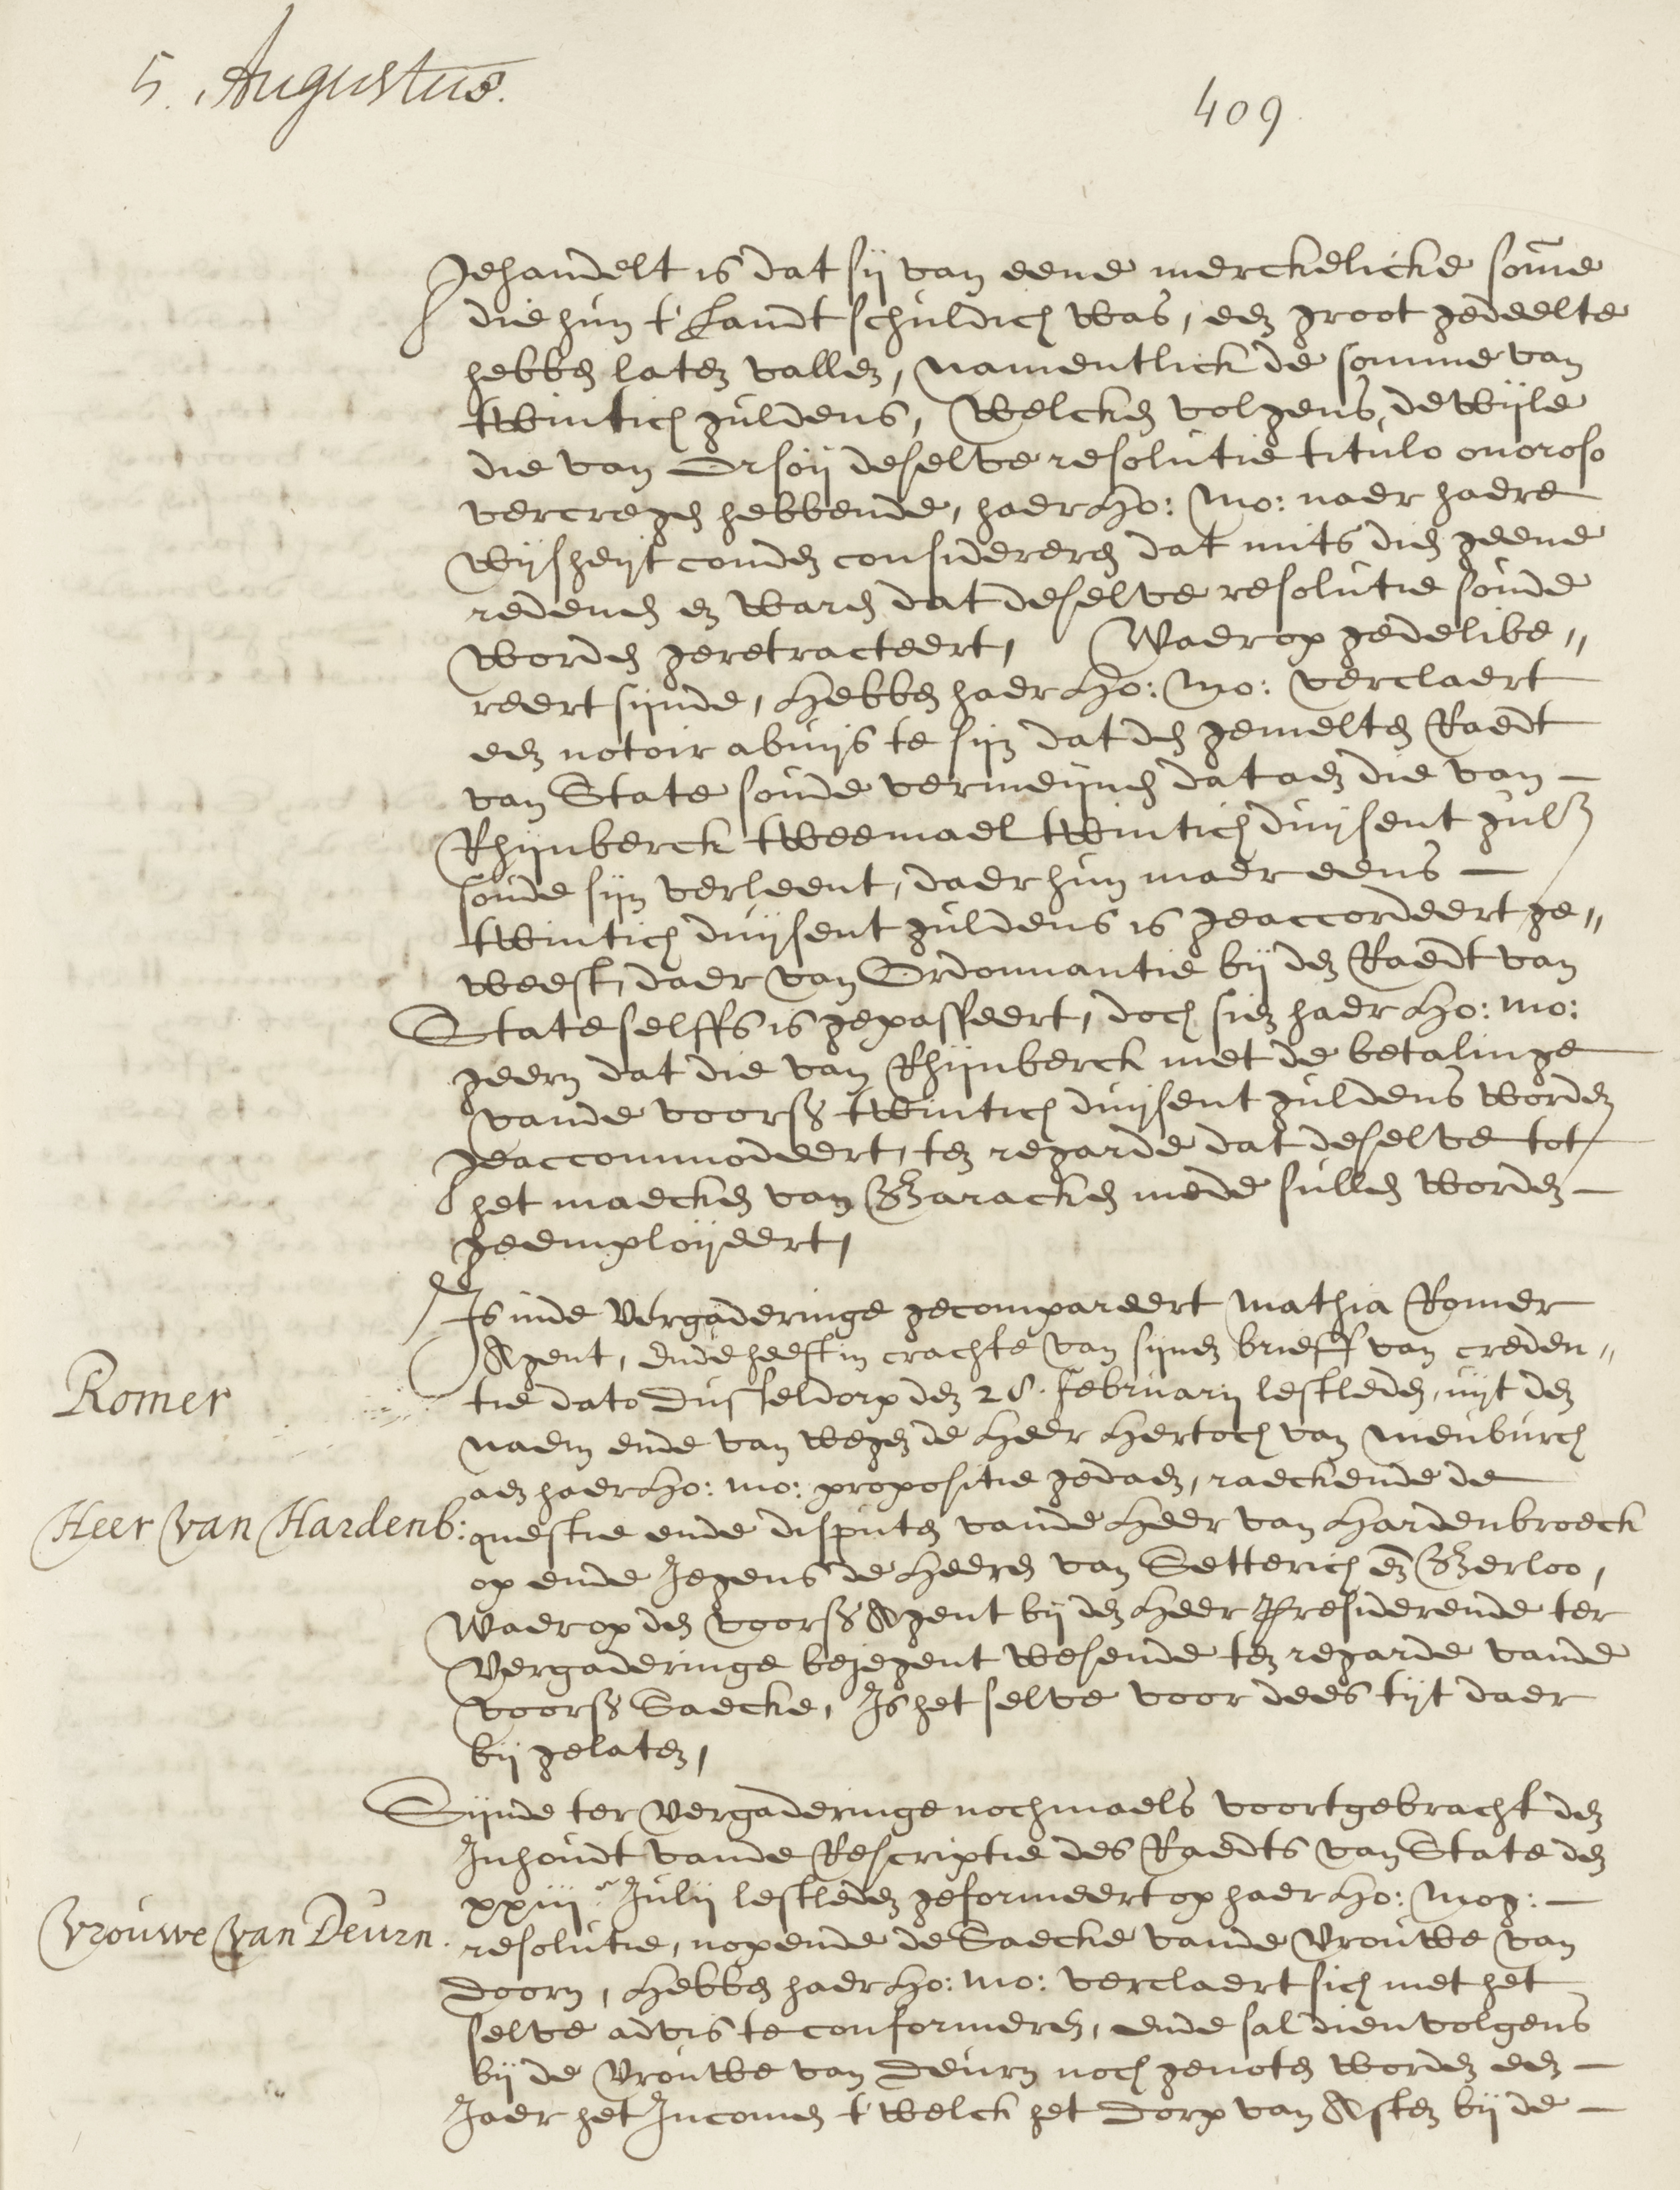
409
5. Augustus.
gehandelt is dat sij van eene merckelicke some
die hun t'Landt schuldich was, een groot gedeelte
hebben laten vallen, namentlick de somme van
twintich guldens, welcken volgens dewijle
die van Orsoij deseve resolutie titulo onoroso
vercregen hebbende, haer Ho:Mo: naer haere
wijsheijt conden consideren dat mitsdien geene
redenen en waren dat deselve resolutie soude
worden geretracteert. Waerop gedelibe„
reert sijnde, hebben haer Ho:Mo: verclaert
een notoir abuijs te sijn dat den gemelten Raedt
van State soude vermeijnen dat aen die van —
Rhijnberck tweemael twintich duijsent guls
soude sijn verleent, daer hun maer eens —
twintich duijsen guldens is geaccordeert ge„
weest, daer van Ordonnantie bij den Raedt van
State selffs is gepasseert, doch sien haer Ho:Mo:
geern dat die van Rhijnberck met de betalinge
vande voorsz twintich duijsent guldens worden
geaccommodeert, ten regarde dat deselve tot
het maecken van Baracken mede sullen worden ¬
geemploijeert.
Romer
Heer van Hardenb:
Is inde vergaderinge gecompareert Mathia Romer
Agent, Ende heeft in crachte van sijnen brieff van creden„
tie dato Dusseldorp den 28. februari lestleden, uijt den
naem ende van wegen de heer hertoch van Meuburch
aen haer Ho:Mo: propositie gedaen, raeckende de
questie ende disputen vande heer van Hardenbroeck
op ende Jegens de heeren van Setterich en Berloo.
Waerop den voorsz Agent bij den heer presiderende ter
vergaderinge bejegent wesende ten regarde vande
voorsz Saecke, Is het selve voor dees tijt daer
bij gelaten.
Vrouwe van Deurn
Sijnde ter vergaderinge nochmaels voortgebracht den
Inhoudt vande Rescriptie de Raedts van State den
xxiiie Julij lestleden geformeert op haer Ho:Mo: —
resolutie, nopende de Saecke vande Vrouwe van
Doorn, hebben haer Ho:Mo: verclaert sich met het
selve advis te conformeren, ende sal dienvolgens
bij de Vrouwe van Deurn noch genoten worden een —
Jaer het Incomen t'welck het dorp van Asten bij de —
